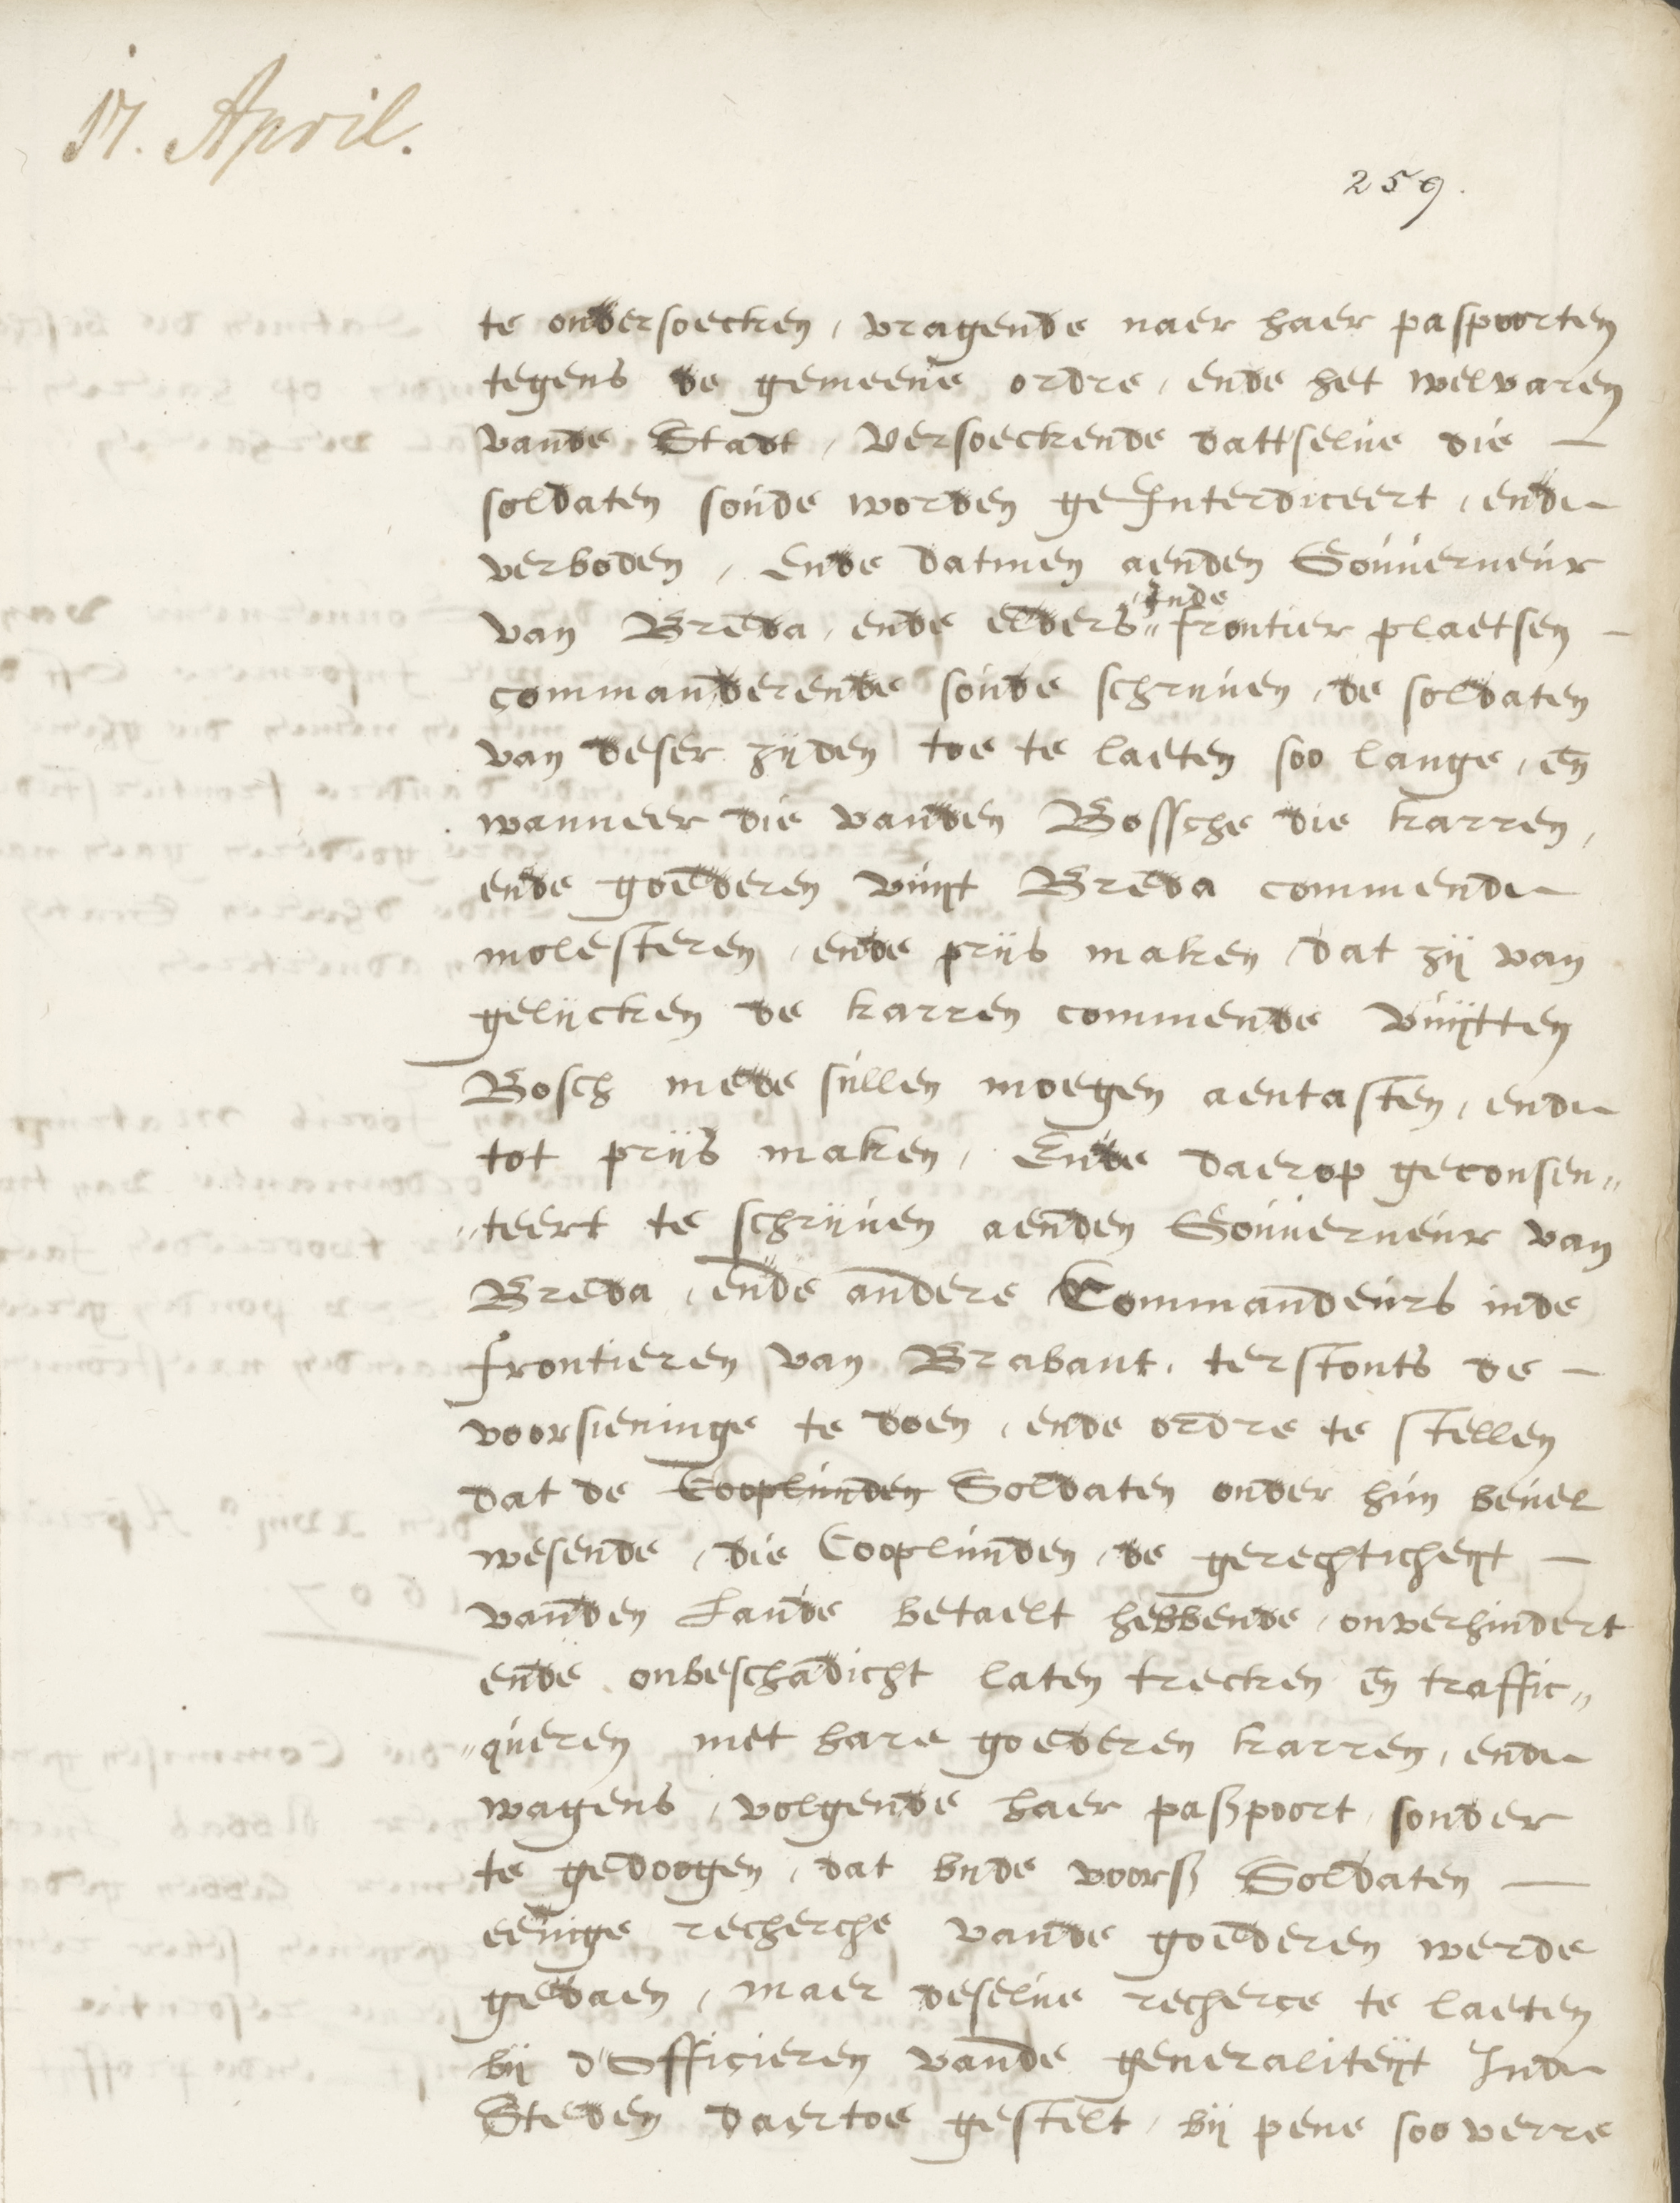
17. April.
259.
te ondersoecken, vragende naer haer paspoorten
tegens de gemeene ordre, ende het welvaren
vande Stadt, versoeckende datt'selue die
soldaten soude worden geinterdiceert, ende
verboden, Ende datmen aenden Gouuerneur
,Inde
van Breda, ende elders,, frontier plaetsen
commanderende soude schryuen, de soldaten
van deser zyden toe te laeten soo lange, en
wanneer die vanden Bossche die karren
ende goederen vuyt Breda commende
molesteren, ende prijs maken, dat zij van
gelijcken de karren commende vuijtten
Bosch mede sullen moegen aentasten, ende
tot prijs maken. Ende daerop geconsen„
,,teert te scryuen aenden Gouuerneur van
Breda, ende andere Commandeurs inde
frontieren van Brabant, terstonts de
voorsieninge te doen, ende ordre te stellen
dat de Coopluyden Soldaten onder hun beuel
wesende, die Coopluyden, de gerechticheyt
vanden Lande betaelt hebbende, onverhindert
ende onbeschadicht laten trecken en traffic,,
,,queren met hare goederen karren, ende
wagens, volgende haer passpoort, sonder
te gedoogen, dat byde voors Soldaten
eenige recherche vande goederen werde
gedaen, maer deselue recherce te laeten
bij d'Officieren vande generaliteijt Inde
Steden daertoe gestelt, bij pene soo verre
